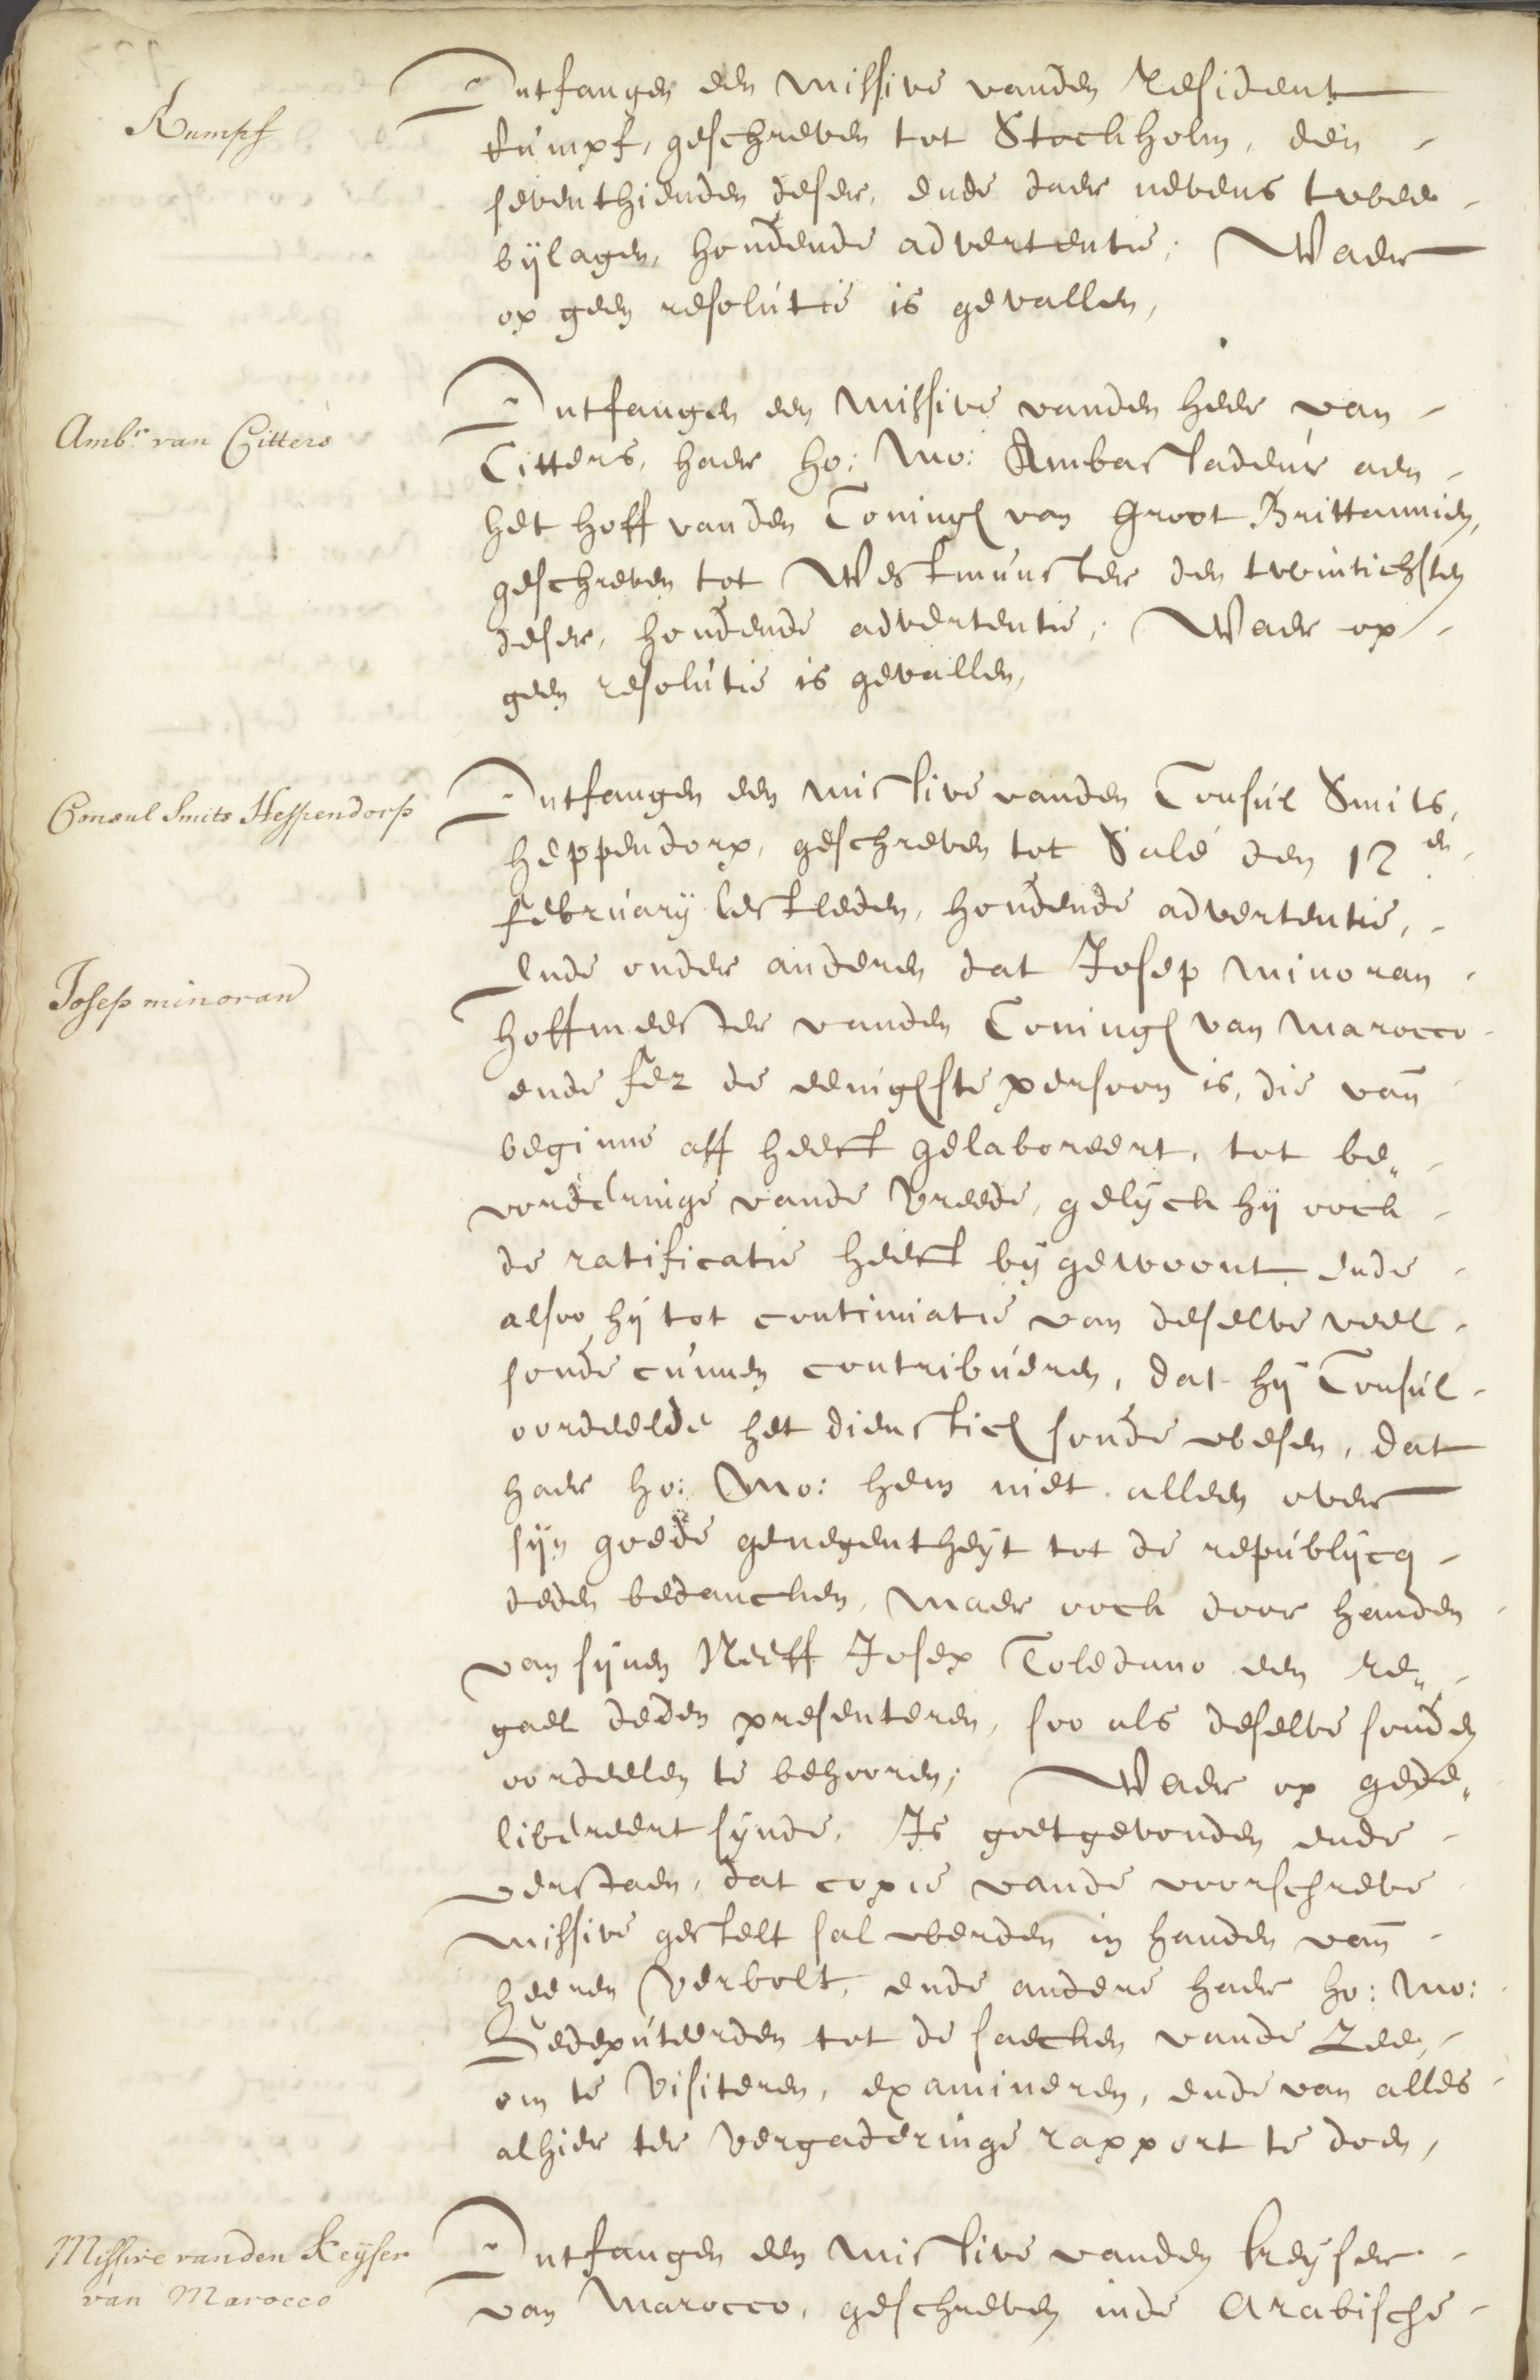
Rumpf
Ontfangen een missive vanden resident
Rumpf, geschreven tot Stockholm, den
seventhienden deser, ende daer nevens twee -
bijlagen, houdende advertentie: Waer
op geen resolutie is gevallen.
Ambr. van Citters
Ontfangen een missive vanden heer van
Citters, haer ho:mo: Ambassadeur aen
het hoff vanden Coningh van Groot Brittannien,
geschreven tot Westmunster den twintichsten
deser, houdende advertentie: Waer op
geen resolutie is gevallen.
Consul Smits Heppendorp
Josep minoran
Ontfangen een missive vanden Consul Smits,
Heppendorp, geschreven tot Salé den 12en
februarij lestleden, houdende advertentie,
ende onder anderen dat Josep Minoran
hoffmeester vanden Coningh van Marocco
ende fez de eenighste persoon is, die van
beginne aff heeft gelaboreert, tot be„
vorderinge vande vreede, gelijck hij oock
de ratificatie heeft bij gewoont ende
alsoo hij tot continuatie van deselve veel
soude cunnen contribueren, dat hij Consul
oordeelde het dienstich soude wesen, dat
haer ho:mo: hem niet alleen over
sijn goede genegentheijt tot de republijcq
deden bedancken, maer oock door handen
van sijnen Neeff Josep Toleduno een re,,
gael deden presenteren, soo als deselve souden
oordeelen te behooren; Waer op gede„
libereert sijnde, Is goetgevonden ende
verstaen, dat copie vande voorschreve
missive gestelt sal werden in handen van
heeren Verbolt, ende andere haer ho:mo:
Gedeputeerden tot de saecken vande zee,
om te visiteren, examineren, ende van alles
alhier ter vergaderinge rapport te doen.
Missive van den Keijser
van Marocco
Ontfangen een missive vanden keijser
van marocco, geschreven inde Arabische
